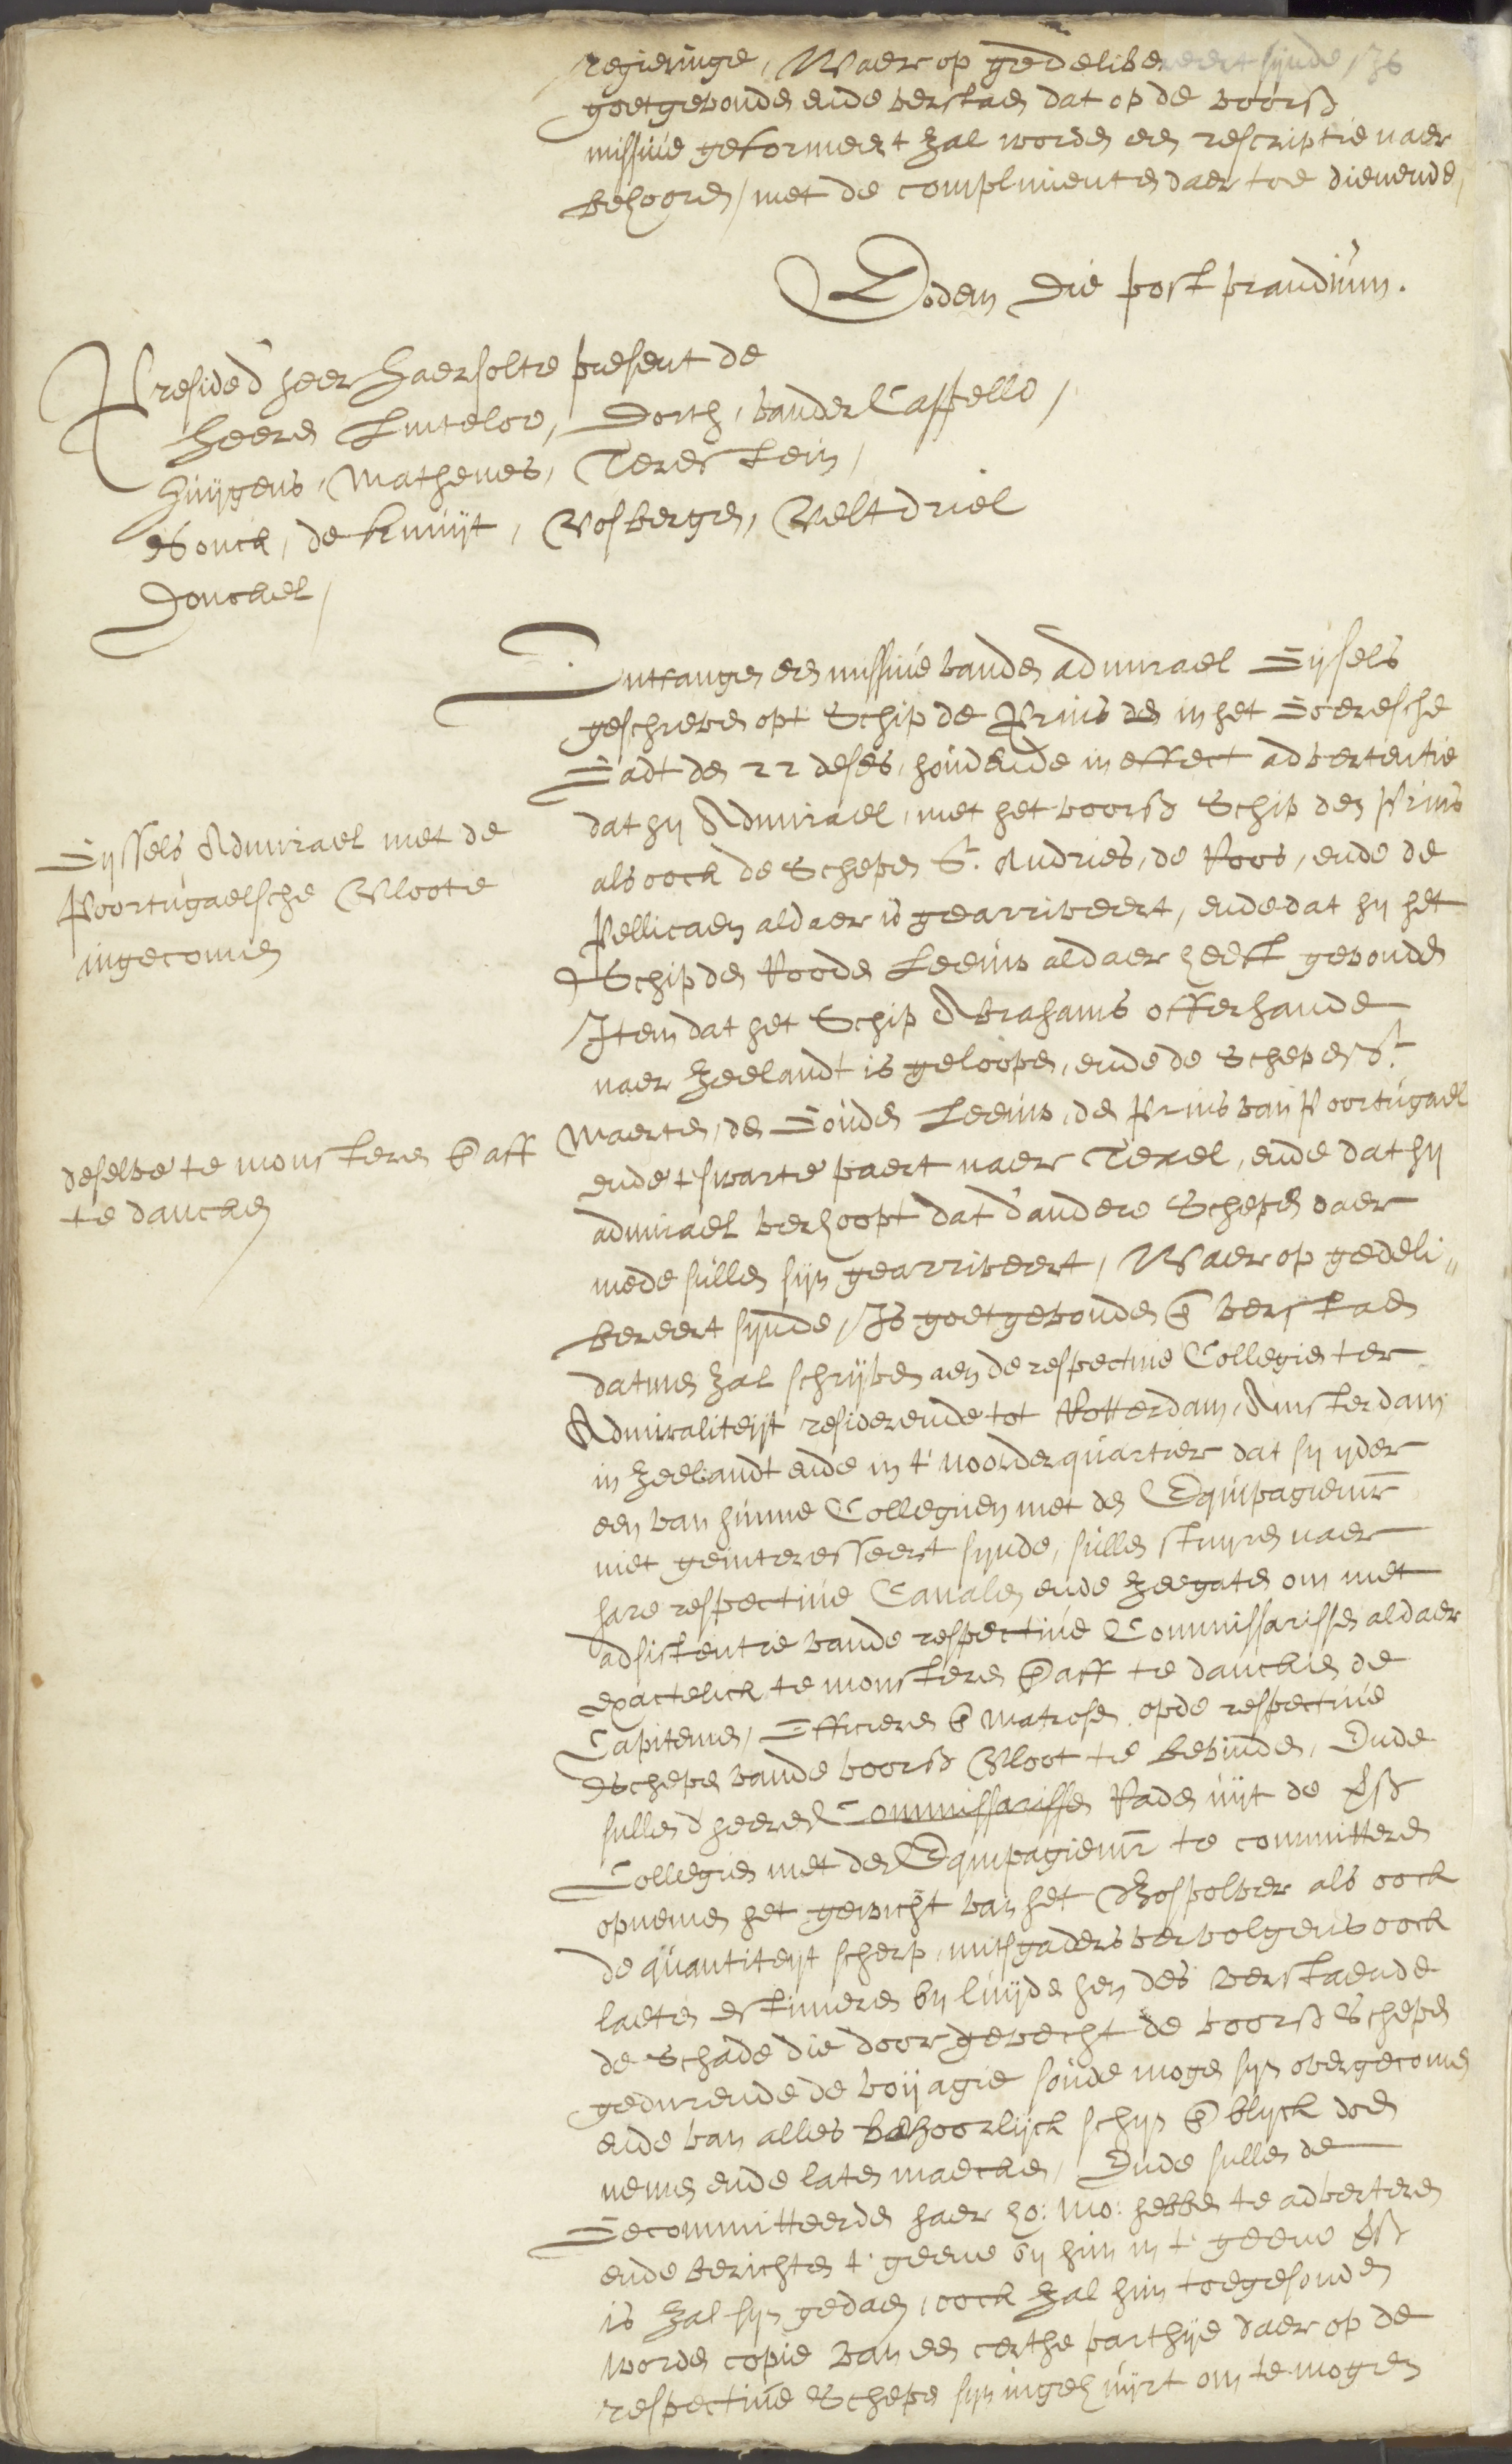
regieringe, Waerop gedelibereert sijnde, Is
goetgevonden ende verstaen dat op de voorsz
missive geformeert zal worden een rescriptie naer
behooren, met de complimenten daaertoe dienende.
Eodem die post prandium.
Preside d'heer Haersolte present de
heeren Linteloo, Dorth, vander Cappello,
Huijgens, Mathenes, Terestein,
Sonck, deKruijt, Vosbergen, Veltdriel
Donckel
Gijssels Admirael met de
Poortugaelsche Vloote
ingecomen
deselve te monsteren & aff
te dancken
Ontfangen een missiue vanden admirael Gijsels
geschreven opt' Schip de Prins den in het Goeresche
Gadt den 22 deses, houdende in effect advertentie
dat hy Admirael, met het voorsz Schip den Prins
als oock de Schepen St. andries, de Roos, ende de
Pellicaen aldaer is gearriveert, ende dat hy het
Schip den Rooden Leeuw aldaer heeft gevonden
Item dat het Schip Abrahams offerhande
naer Zeelandt is geloopen, ende de Schepen st
Maerten, den Gouden Leeuw, den Prins van Poortugael
ende t swarte paert naer Texel, ende dat hy
admirael verhoopt dat d'andere Schepen daer
mede sullen sijn gearriveert. Waerop gedeli„
bereert synde, Is goetgevonden & verstaen
datmen zal schrijven aen de respectiue Collegien ter
Admiraliteijt residerende tot Rotterdam, Amsterdam
in Zeelandt ende in t' noorderquartier dat sy yder
een van hunne Collegien met de Equipagiemr
niet geinteresseert synde, sullen stuyren naer
hare respectiue Canalen ende zeegaten om met
adsistentie vande respectiue Commissarissen aldaer
exactelick te monsteren & aff te dancken de
Capiteinen, Officieren & matrosen opde respectiue
schepen vande voorsz Vloot te bevinden. Ende
sullen d'heeren Commissarissen Raden uijt de vsz
Collegien met den Equipagiemr te committeren
opnemen het gewicht van het Bospolver als oock
de quantiteyt scherp, mitsgaders vervolgens oock
laeten estimeren by luijden hen des verstaende
de schade die door gevecht de voorsz Schepen
gedurende de voijagie soude mogen syn overgecomen
Ende van alles behoorlijck schyn & blyck doen
nemen ende laten maecken. Ende sullen de
Gecommitteerden haer ho:mo: hebben te adverteren
ende berichten t'geene by hun in t'geene vsz
is zal syn gedaen, oock zal hun toegesonden
worden copie van een certhe parthije daer op de
respectiue Schepen sijn ingehuijrt om te mogen
